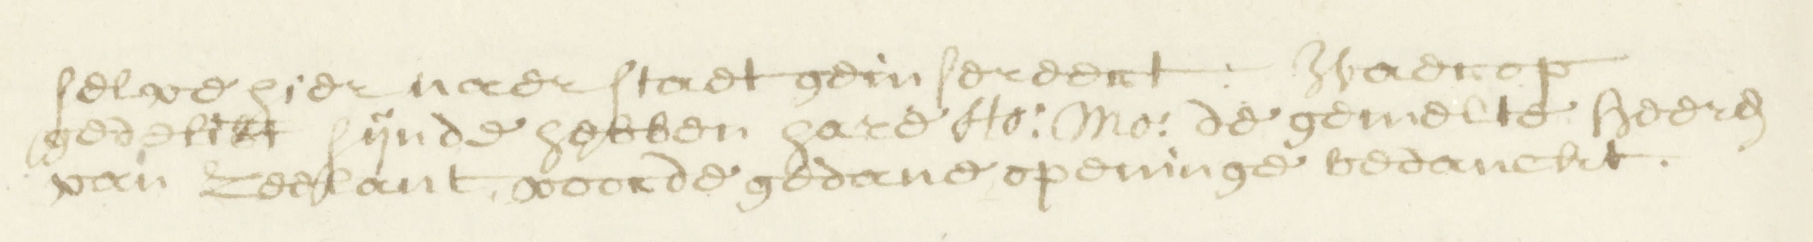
selve hier naer staet geinfereert: Waerop
gedelibt sijnde hebben hare Ho:Mo: de gemelte Heeren
van Zeelant, voorde gedane openinge bedanckt.
